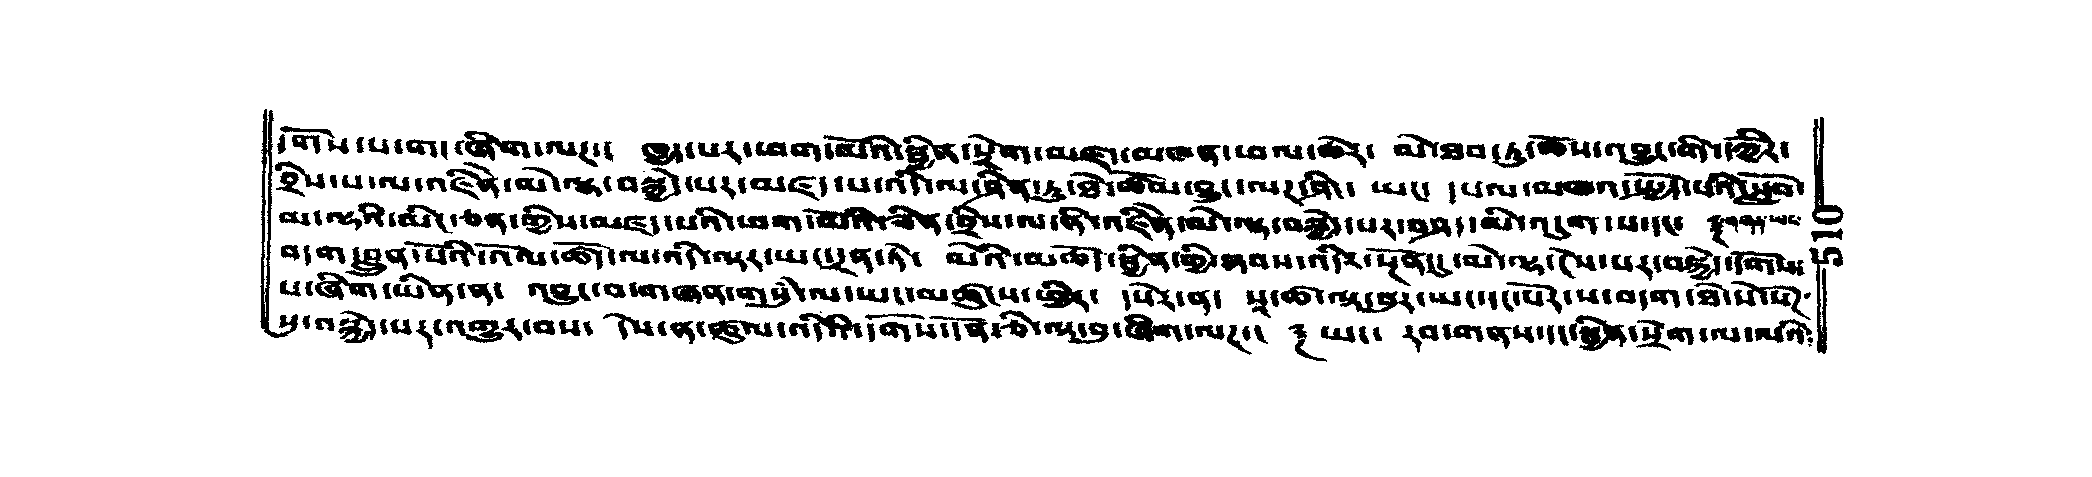དགོས་པ་གང་ཞིག་ལགས། ཁྱད་པར་ཕག་མོའི་སྦྱིན་སྲེག་མཛད་མཁན་ཕལ་ཆེར། མེ་ཐབ་ཏུ་ཆོས་འབྱུང་གི་དཀྱིལ་འཁོར་
བྲིས་པ་ལ་འཇིག་རྟེན་མེ་ལྷ་བསྐྱེད་པར་མཛད་པ་འདི་ལ་ཤིན་ཏུ་ཐེ་ཚོམ་བྱུང་ལགས་ཤིང་། ཡང་། དཔལ་མཁའ་སྤྱོད་པའི་སློབ་
མ་ལྷའི་མིང་ཅན་གྱིས་མཛད་པའི་ཕག་མོའི་ཟིན་བྲིས་ལ་ནི་འཇིག་རྟེན་མེ་ལྟར་བསྐྱེད་པར་བཤད་མི་འདུག་པ་དང་། གཞན་ཡང་། 
བདག་བླུན་པོའི་འོལ་ཚོད་ལ་འདི་ལྟར་ཡང་དྲན་ཏེ། མེའི་མཆོད་སྦྱིན་གྱི་སྐབས་འདིར་སྔོན་དུ་མེ་ལྷ་ངེས་པར་བསྐྱེད་དགོས་
པ་ཞིག་ཡིན་ན། འབྱུང་བ་གཞན་གསུམ་ལ་ཡང་མཚུངས་ཕྱིར། དཔེར་ན། སཱཙྪ་ལྟ་བུར་ཡང་དང་པོར་ས་བདག་ཐེ་སེ་སོགས་
སུ་བསྐྱེད་པར་འགྱུར་བས། དེས་ན་ཚུལ་འདིའི་དགོས་དོན་ཅི་ལྟ་བུ་ཞིག་ལགས།༈ ཡང་། རབ་གནས་དང་སྦྱིན་སྲེག་ལ་ལའི་